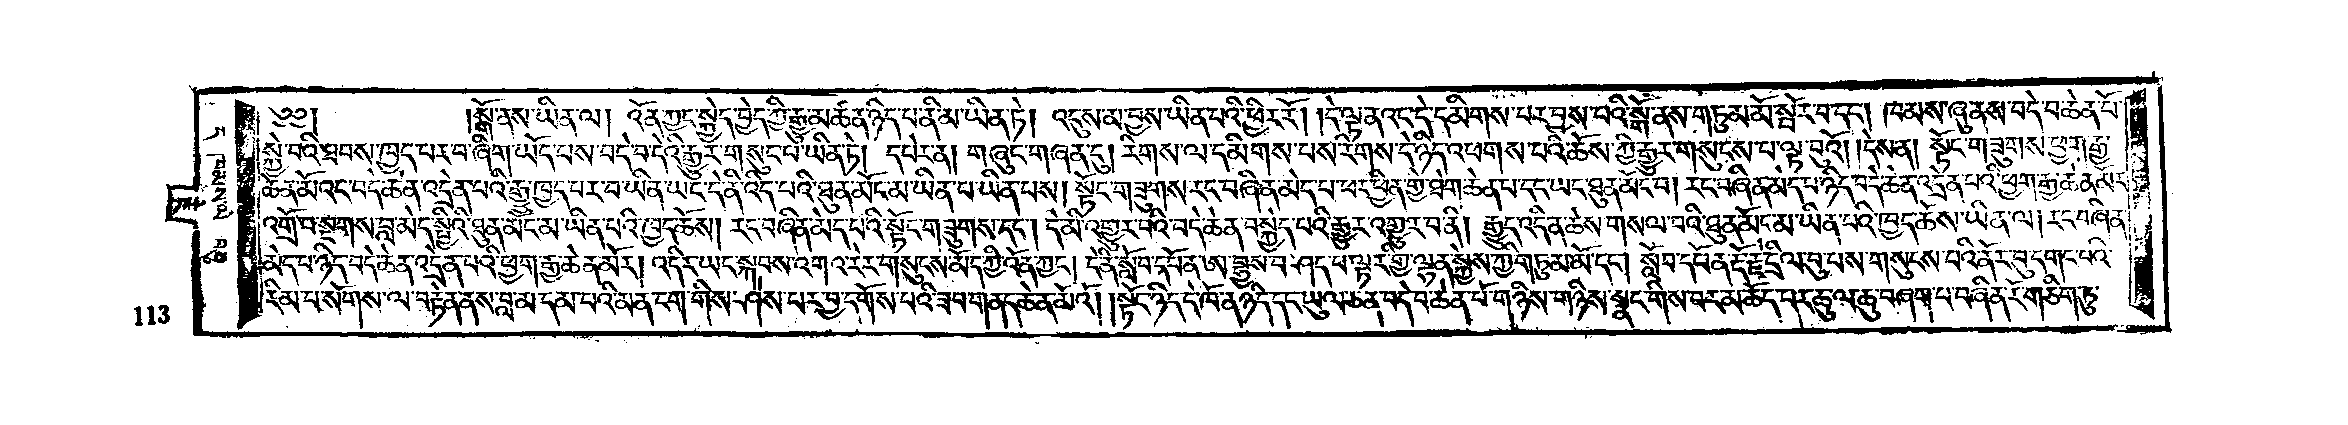༄༅། །སྒོ་ནས་ཡིན་ལ། འོན་ཀྱང་སྐྱེད་བྱེད་ཀྱི་རྒྱུ་མཚན་ཉིད་པ་ནི་མ་ཡིན་ཏེ། འདུས་མ་བྱས་ཡིན་པའི་ཕྱིར་རོ། །དེ་ལྟ་ནའང་དེ་དམིགས་པར་བྱས་པའི་སྒོ་ནས་གཏུམ་མོ་སྦོར་བ་དང་། ཁམས་ཞུ་ནས་བདེ་བ་ཆེན་པོ་
སྐྱེ་བའི་ཐབས་ཁྱད་པར་བ་ཞིག་ཡོད་པས་བདེ་བ་དེའི་རྒྱུར་གསུང་པ་ཡིན་ཏེ། དཔེར་ན། གཞུང་གཞན་དུ། རིགས་ལ་དམིགས་པས་རིགས་དེ་ཉིད་འཕགས་པའི་ཆོས་ཀྱི་རྒྱུར་གསུངས་པ་ལྟ་བུའོ། །དེས་ན། སྟོང་གཟུགས་ཕྱག་རྒྱ་
ཆེན་མོའང་བདེ་ཆེན་འདྲེན་པའི་རྒྱུ་ཁྱད་པར་བ་ཡིན་ཡང་དེ་ནི་འདི་པའི་ཐུན་མོང་མ་ཡིན་པ་ཡིན་པས། སྟོང་གཟུགས་རང་བཞིན་མེད་པ་ཕར་ཕྱིན་གྱི་ཐེག་ཆེན་པ་དང་ཡང་ཐུན་མོང་བ། རང་བཞིན་མེད་པ་ཉིད་བདེ་ཆེན་འདྲེན་པའི་ཕྱག་རྒྱ་ཆེན་མོར་
འགྲོ་བ་སྔགས་བླ་མེད་སྤྱིའི་ཐུན་མོང་མ་ཡིན་པའི་ཁྱད་ཆོས། རང་བཞིན་མེད་པའི་སྟོང་གཟུགས་དང་། དེ་མི་འགྱུར་བའི་བདེ་ཆེན་བསྐྱེད་པའི་རྒྱུར་འགྱུར་བ་ནི། རྒྱུད་འདི་ན་ཆེས་གསལ་བའི་ཐུན་མོང་མ་ཡིན་པའི་ཁྱད་ཆོས་ཡིན་ལ། རང་བཞིན་
མེད་པ་ཉིད་བདེ་ཆེན་འདྲེན་པའི་ཕྱག་རྒྱ་ཆེན་མོར། འདིར་ཡང་སྐབས་འགའ་རེར་གསུངས་མོད་ཀྱི་འོན་ཀྱང་། དེ་ནི་སློབ་དཔོན་ཨ་བྷྱས་བཤད་པ་ལྟར་གྱི་ལྷན་སྐྱེས་ཀྱི་གཏུམ་མོ་དང་། སློབ་དཔོན་རྡོ་རྗེ་དྲིལ་བུ་པས་གསུངས་པའི་ནོར་བུ་དགང་བའི་
རིམ་པ་སོགས་ལ་བརྟེན་ནས་བླ་མ་དམ་པའི་མན་ངག་གིས་ཤེས་པར་བྱ་དགོས་པའི་ཟབ་གནད་ཆེན་མོའོ། །སྟོང་ཉིད་དེ་ཁོ་ན་ཉིད་དང་ཡུལ་ཅན་བདེ་བ་ཆེན་པོ་གཉིས་གཉིས་སྣང་གིས་བར་མ་ཆོད་པར་ཆུ་ལ་ཆུ་བཞག་པ་བཞིན་རོ་གཅིག་ཏུ་